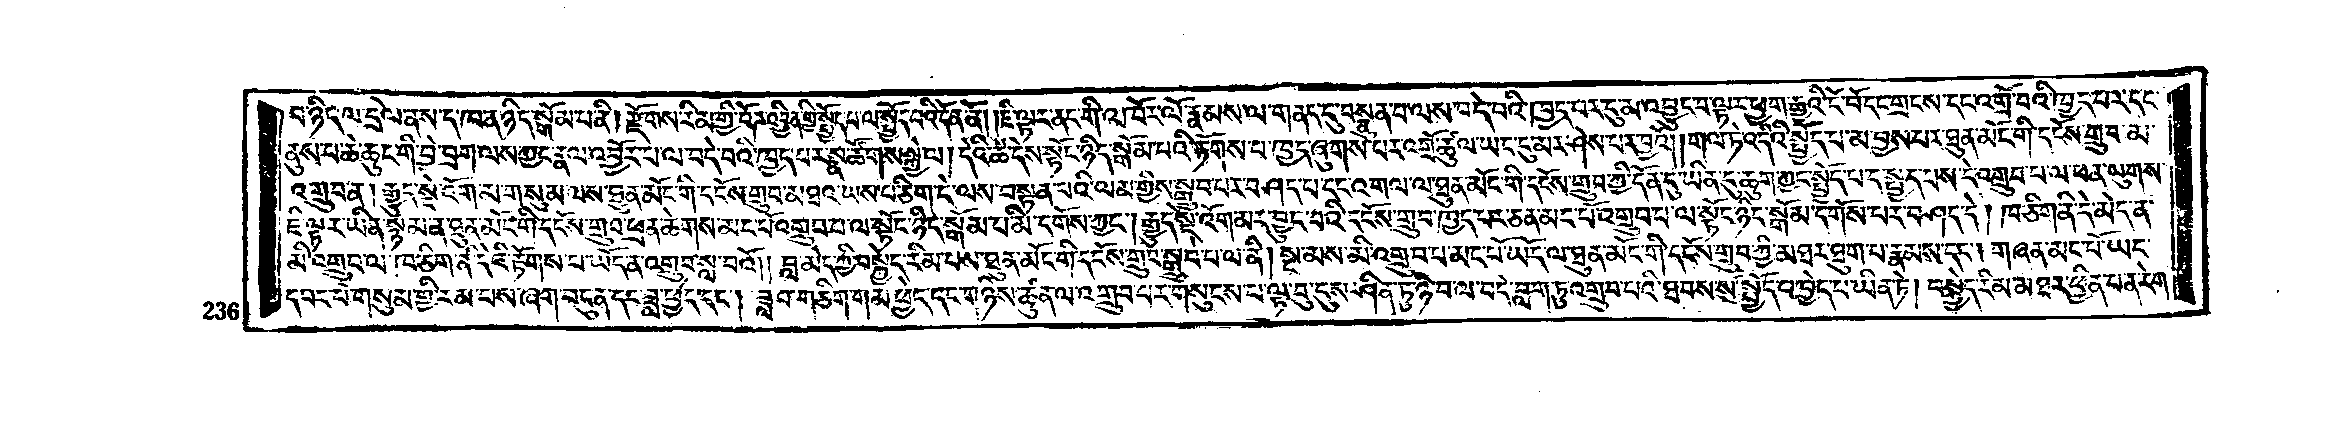བ་ཉིད་ལ་དྲིལ་ནས་དེ་ཁོ་ན་ཉིད་སྒོམ་པ་ནི། རྫོགས་རིམ་གྱི་བོགས་འབྱིན་གྱི་སྤྱོད་པ་ལ་སྤྱོད་པའི་དོན་ནོ། །ཇི་ལྟར་ནང་གི་འཁོར་ལོ་རྣམས་ལ་གནད་དུ་བསྣུན་པ་ལས་བདེ་བའི་ཁྱད་པར་དུ་མ་འབྱུང་བ་ལྟར་ཕྱག་རྒྱའི་ངོ་བོ་དང་གྲངས་དང་འགྲོ་བའི་ཁྱད་པར་དང་
ནུས་པ་ཆེ་ཆུང་གི་བྱེ་བྲག་ལས་ཀྱང་རྣལ་འབྱོར་པ་ལ་བདེ་བའི་ཁྱད་པར་སྣ་ཚོགས་སྐྱེ་ལ། དེའི་ཚེ་དེས་སྟོང་ཉིད་སྒོམ་པའི་རྟོགས་པ་ཁྱད་ཞུགས་པར་འགྲོ་ཚུལ་ཡང་དུ་མར་ཤེས་པར་བྱའོ། །གལ་ཏེ་འདིའི་སྤྱོད་པ་མ་བྱས་པར་ཐུན་མོང་གི་དངོས་གྲུབ་མི་
འགྲུབ་ན། རྒྱུད་སྡེ་འོག་མ་གསུམ་ལས་ཐུན་མོང་གི་དངོས་གྲུབ་མཐའ་ཡས་པ་ཅིག་དེ་ལས་བསྟན་པའི་ལམ་གྱིས་སྒྲུབ་པར་བཤད་པ་དང་འགལ་ལ་ཐུན་མོང་གི་དངོས་གྲུབ་ཀྱི་དོན་དུ་ཡིན་དུ་ཆུག་ཀྱང་སྤྱོད་པས་དེ་འགྲུབ་པ་ལ་ཕན་ལུགས་
ཇི་ལྟར་ཡིན་སྙམ་ན་ཐུན་མོང་གི་དངོས་གྲུབ་ཕྲན་ཆེགས་མང་པོ་འགྲུབ་པ་ལ་སྟོང་ཉིད་སྒོམ་པ་མི་དགོས་ཀྱང་། རྒྱུད་སྡེ་འོག་མར་བྱུང་བའི་དངོས་གྲུབ་ཁྱད་པར་ཅན་མང་པོ་འགྲུབ་པ་ལ་སྟོང་ཉིད་སྒོམ་དགོས་པར་བཤད་དེ། ཁ་ཅིག་ནི་དེ་མེད་ན་
མི་འགྲུབ་ལ་ཁ་ཅིག་ནི་དེའི་རྟོགས་པ་ཡོད་ན་འགྲུབ་སླ་བའོ། །བླ་མེད་ཀྱི་བསྐྱེད་རིམ་པས་ཐུན་མོང་གི་དངོས་གྲུབ་སྒྲུབ་པ་ལ་ནི། སྔ་མས་མི་འགྲུབ་པ་མང་པོ་ཡོད་ལ་ཐུན་མོང་གི་དངོས་གྲུབ་ཀྱི་མཐར་ཐུག་པ་རྣམས་དང་། གཞན་མང་པོ་ཡང་
དབང་པོ་གསུམ་གྱི་རིམ་པས་ཞག་བདུན་དང་ཟླ་ཕྱེད་དང་། ཟླ་བ་གཅིག་གམ་ཕྱེད་དང་གཉིས་ཚུན་ལ་འགྲུབ་པར་གསུངས་པ་ལྟ་བུ་དུས་ཤིན་ཏུ་ཉེ་བ་ལ་བདེ་བླག་ཏུ་འགྲུབ་པའི་ཐབས་སུ་སྤྱོད་པ་བྱེད་པ་ཡིན་ཏེ། བསྐྱེད་རིམ་མཐར་ཕྱིན་པ་ན་རེག་